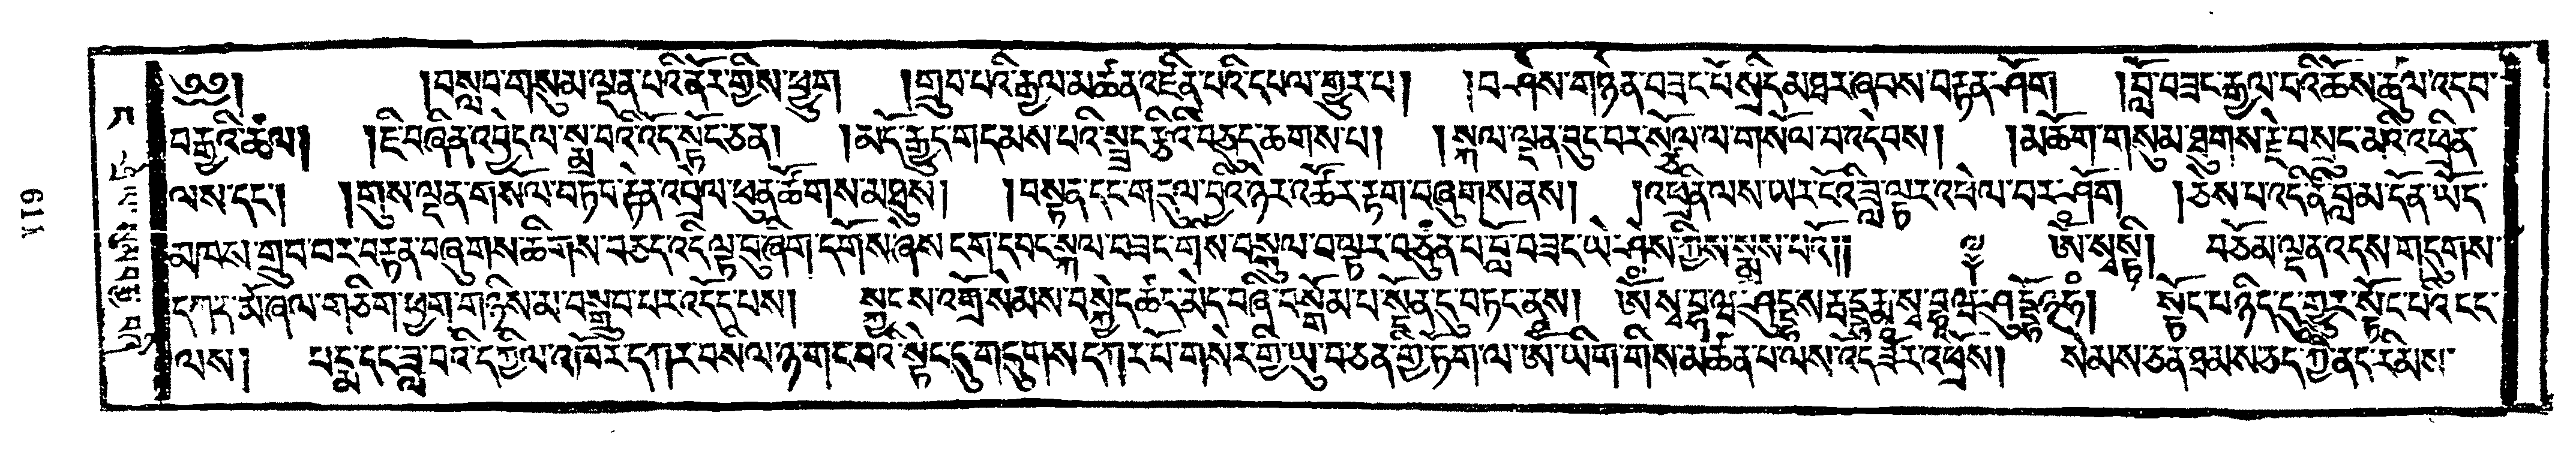༄༅། །བསླབ་གསུམ་ལྡན་པའི་ནོར་གྱིས་ཕྱུག །གྲུབ་པའི་རྒྱལ་མཚན་འཛིན་པའི་དཔལ་གྱུར་པ། །བཤེས་གཉེན་བཟང་པོ་སྲིད་མཐར་ཞབས་བརྟན་ཤོག །བློ་བཟང་རྒྱལ་བའི་ཆོས་ཚུལ་འདབ་
བརྒྱའི་ཚལ། །ཇི་བཞིན་འབྱེད་ལ་སྨྲ་བའི་འོད་སྟོང་ཅན། །མདོ་རྒྱུད་གདམས་པའི་སྦྲང་རྩིའི་བཅུད་ཆགས་པ། །སྐལ་ལྡན་བུང་བར་སྩོལ་ལ་གསོལ་བ་འདེབས། །མཆོག་གསུམ་ཐུགས་རྗེ་བསྲུང་མའི་འཕྲིན་
ལས་དང་། །གུས་ལྡན་གསོལ་བཏབ་རྟེན་འབྲེལ་ཕུན་ཚོགས་མཐུས། །བསྟན་དང་གདུལ་བྱའི་ཉེར་འཚོར་རྟག་བཞུགས་ནས། །འཕྲིན་ལས་ཡར་ངོའི་ཟླ་ལྟར་འཕེལ་བར་ཤོག །ཅེས་པ་འདི་ནི་བླ་མ་དོན་ཡོད་
མཁས་གྲུབ་བར་བརྟན་བཞུགས་ཚིགས་བཅད་འདི་ལྟ་བུ་ཞིག་དགོས་ཞེས་ངག་དབང་བསྐལ་བཟང་གིས་བསྐུལ་བ་ལྟར་བཙུན་པ་བློ་བཟང་ཡེ་ཤེས་ཀྱིས་སྨྲས་པའོ།། ༈ ཨོཾ་སྭསྟི། བཅོམ་ལྡན་འདས་གདུགས་
དཀར་མོ་ཞལ་གཅིག་ཕྱག་གཉིས་མ་བསྒྲུབ་པར་འདོད་པས། སྐྱབས་འགྲོ་སེམས་བསྐྱེད་ཚད་མེད་བཞི་བསྒོམ་པ་སྔོན་དུ་བཏང་ནས། ཨོཾ་སྭ་བྷ་ཝ་ཤུདྡྷ་སརྦ་དྡྷརྨཱ་སྭ་བྷཱ་ཝ་ཤུདྡྷོཉྷཾ། སྟོང་པ་ཉིད་དུ་གྱུར་སྟོང་པའི་ངང་
ལས། པདམ་དང་ཟླ་བའི་དཀྱིལ་འཁོར་དཀར་བསིལ་ཉ་གང་བའི་སྟེང་དུ་གདུགས་དཀར་པོ་གསེར་གྱི་ཡུ་བ་ཅན་གྱི་ཏོག་ལ་ཨོཾ་ཡིག་གིས་མཚན་པ་ལས་འོད་ཟེར་འཕྲོས། སེམས་ཅན་ཐམས་ཅད་ཀྱི་ནད་རིམས་